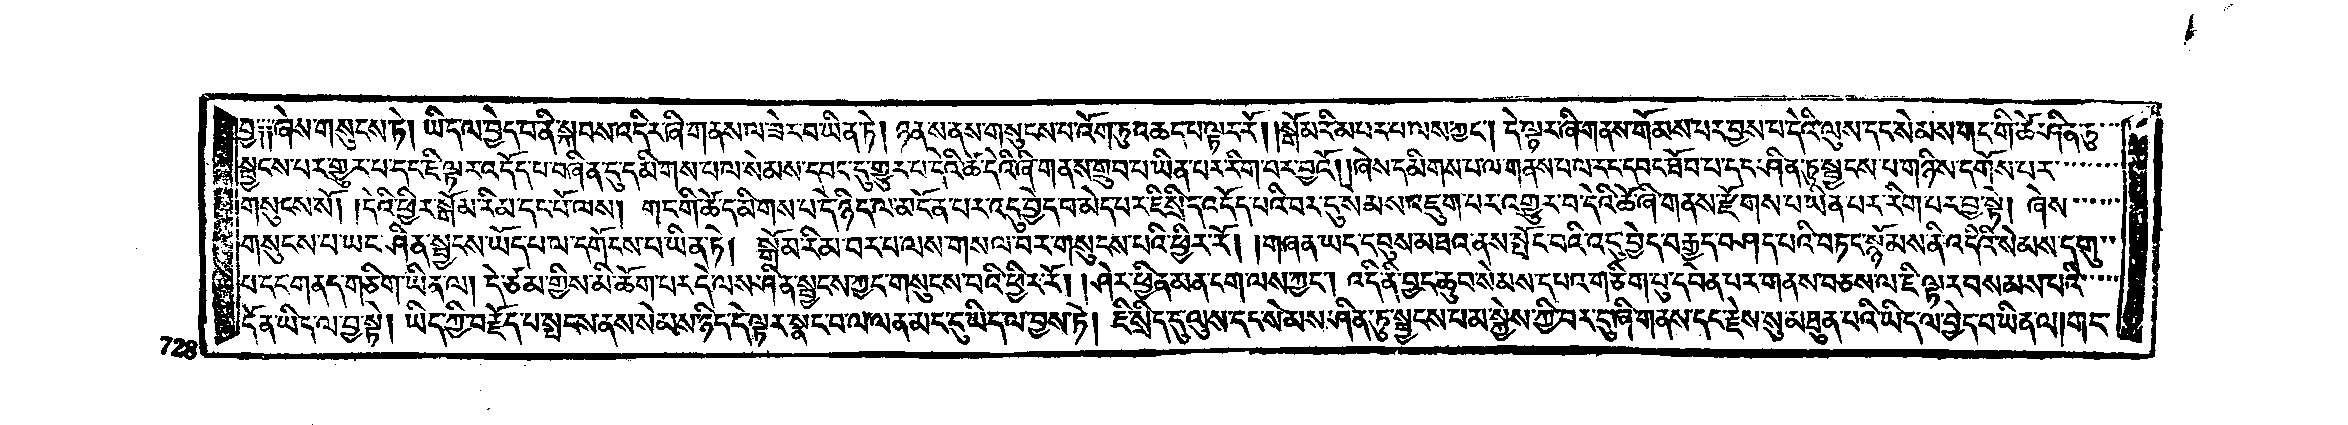བྱ༑ ༑ཞེས་གསུངས་ཏེ། ཡིད་ལ་བྱེད་པ་ནི་སྐབས་འདིར་ཞི་གནས་ལ་ཟེར་བ་ཡིན་ཏེ། ཉན་ས་ནས་གསུངས་པ་འོག་ཏུ་འཆད་པ་ལྟར་རོ། །སྒོམ་རིམ་བར་པ་ལས་ཀྱང་། དེ་ལྟར་ཞི་གནས་གོམས་པར་བྱས་པ་དེའི་ལུས་དང་སེམས་གང་གི་ཚེ་ཤིན་ཏུ་
སྦྱངས་པར་གྱུར་པ་དང་ཇི་ལྟར་འདོད་པ་བཞིན་དུ་དམིགས་པ་ལ་སེམས་དབང་དུ་གྱུར་པ་དེའི་ཚེ་དེའི་ཞི་གནས་གྲུབ་པ་ཡིན་པར་རིག་པར་བྱའོ། །ཞེས་དམིགས་པ་ལ་གནས་པ་ལ་རང་དབང་ཐོབ་པ་དང་ཤིན་ཏུ་སྦྱངས་པ་གཉིས་དགོས་པར་
གསུངས་སོ། །དེའི་ཕྱིར་སྒོམ་རིམ་དང་པོ་ལས། གང་གི་ཚེ་དམིགས་པ་དེ་ཉིད་ལ་མངོན་པར་འདུ་བྱེད་པ་མེད་པར་ཇི་སྲིད་འདོད་པའི་བར་དུ་སེམས་འཇུག་པར་འགྱུར་བ་དེའི་ཚེ་ཞི་གནས་རྫོགས་པ་ཡིན་པར་རིག་པར་བྱ་སྟེ། ཞེས་
གསུངས་པ་ཡང་ཤིན་སྦྱངས་ཡོད་པ་ལ་དགོངས་པ་ཡིན་ཏེ། སྒོམ་རིམ་བར་པ་ལས་གསལ་བར་གསུངས་པའི་ཕྱིར་རོ། །གཞན་ཡང་དབུས་མཐའ་ནས་སྤོང་བའི་འདུ་བྱེད་བརྒྱད་བཤད་པའི་བཏང་སྙོམས་ནི་འདིའི་སེམས་དགུ་
པ་དང་གནད་གཅིག་ཡིན་ལ། དེ་ཙམ་གྱིས་མི་ཆོག་པར་དེ་ལས་ཤིན་སྦྱངས་ཀྱང་གསུངས་པའི་ཕྱིར་རོ། །ཤེར་ཕྱིན་མན་ངག་ལས་ཀྱང་། འདི་ནི་བྱང་ཆུབ་སེམས་དཔའ་གཅིག་པུ་དབེན་པར་གནས་བཅས་ལ་ཇི་ལྟར་བསམས་པའི་
དོན་ཡིད་ལ་བྱ་སྟེ། ཡིད་ཀྱི་བརྗོད་པ་སྤངས་ནས་སེམས་ཉིད་དེ་ལྟར་སྣང་བ་ལ་ལན་མང་དུ་ཡིད་ལ་བྱས་ཏེ། ཇི་སྲིད་དུ་ལུས་དང་སེམས་ཤིན་ཏུ་སྦྱངས་པ་མ་སྐྱེས་ཀྱི་བར་དུ་ཞི་གནས་དང་རྗེས་སུ་མཐུན་པའི་ཡིད་ལ་བྱེད་པ་ཡིན་ལ། གང་